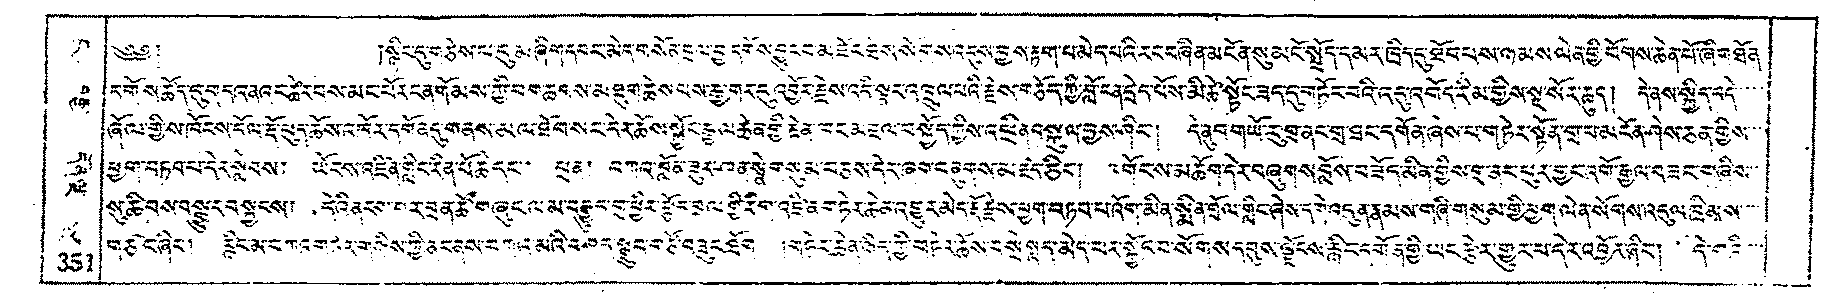༄༅། །སྙིང་དུ་གཅེས་པ་དུ་མ་ཞིག་དབང་མེད་གསོན་བྲལ་བྱ་དགོས་བྱུང་བ་མཐོང་ཐོས་སོགས་འདུས་བྱས་རྟག་པ་མེད་པའི་རང་བཞིན་མངོན་སུམ་ངོ་སྤྲོད་དམར་ཁྲིད་དུ་ཐོབ་པས་ཉམས་ལེན་གྱི་བོགས་ཆེན་པོ་ཞིག་ཐོན་
དགོས་ཚོད་དུ་གདའ་ནའང་ཚེ་རབས་མང་པོར་ངན་གོམས་ཀྱི་བག་ཆགས་མཐུག་ཆེས་པས་རྒྱ་གར་དུ་འབྱོར་རྗེས་འདི་སྣང་འཁྲུལ་པའི་རྗེས་གཅོད་ཀྱི་བློ་ངན་དྲེད་པོས་མི་ཚེ་སྟོང་ཟད་དུ་གཏོང་བའི་འདུ་འགོད་རིམ་གྱིས་སྔ་སོར་ཆུད། དེ་ནས་སྐྱིད་བདེ་
ཞོལ་གྱི་ས་ཁོངས་དོལ་རྡོ་ཕུད་ཆོས་འཁོར་དགོན་དུ་གནས་མལ་ཐོག་སང་དེར་ཆོས་སྐྱོང་རྒྱལ་ཆེན་གྱི་རྟེན་ཁང་མཇལ་བསྐྱོད་ཀྱིས་འཕྲིན་བསྐུལ་བྱས་ཤིང་། དེ་ནུབ་གཡོ་རུ་གྲ་ནང་གྲ་ཐང་དགོན་ཞེས་པ་གཏེར་སྟོན་གྲ་པ་མངོན་ཤེས་ཅན་གྱིས་
ཕྱག་བཏབ་པ་དེར་སླེབས། ཡོངས་འཛིན་གླིང་རིན་པོ་ཆེ་དང་། ཕྲན། བཀའ་བློན་ཟུར་ཤན་སྣེ་གསུམ་བཅས་དེར་ཞག་བཞུགས་མཛད་ཅིང་། ༧གོང་ས་མཆོག་དེར་བཞུགས་བློས་བཟོད་མིན་གྱིས་གྲ་ནང་ཕུར་གྱང་འགོ་རྒྱལ་བཟང་གཞིས་
སུ་ཆིབས་བསྒྱུར་བསྐྱངས། དེའི་ནངས་པར་ཕྲན་ཚོ་གཞུང་ལམ་བརྒྱུད་གྲ་ཕྱིར་རྩོད་བྲལ་གྱི་རིག་འཛིན་གཏེར་ཆེན་འགྱུར་མེད་རྡོ་རྗེས་ཕྱག་བཏབ་པ་འོག་མིན་སྨིན་གྲོལ་གླིང་ཞེས་དགེ་འདུན་རྣམས་གཞི་གསུམ་གྱི་ཕྱག་ལེན་སོགས་འདུལ་ཁྲིམས་
གཙང་ཞིང་། རྙིང་མ་བཀའ་གཏེར་གཉིས་ཀྱི་ནང་ནས་བཀའ་མའི་བཤད་སྒྲུབ་གཙོ་བཟུང་ཐོག །གཏེར་ཆེན་ཉིད་ཀྱི་གཏེར་ཆོས་བསྲེ་སླད་མེད་པར་སྐྱོང་བ་སོགས་དབུས་ལྗོངས་རྙིང་དགོན་གྱི་ཡང་རྩེར་གྱུར་པ་དེར་འབྱོར་ཞིང་། དེ་གའི་